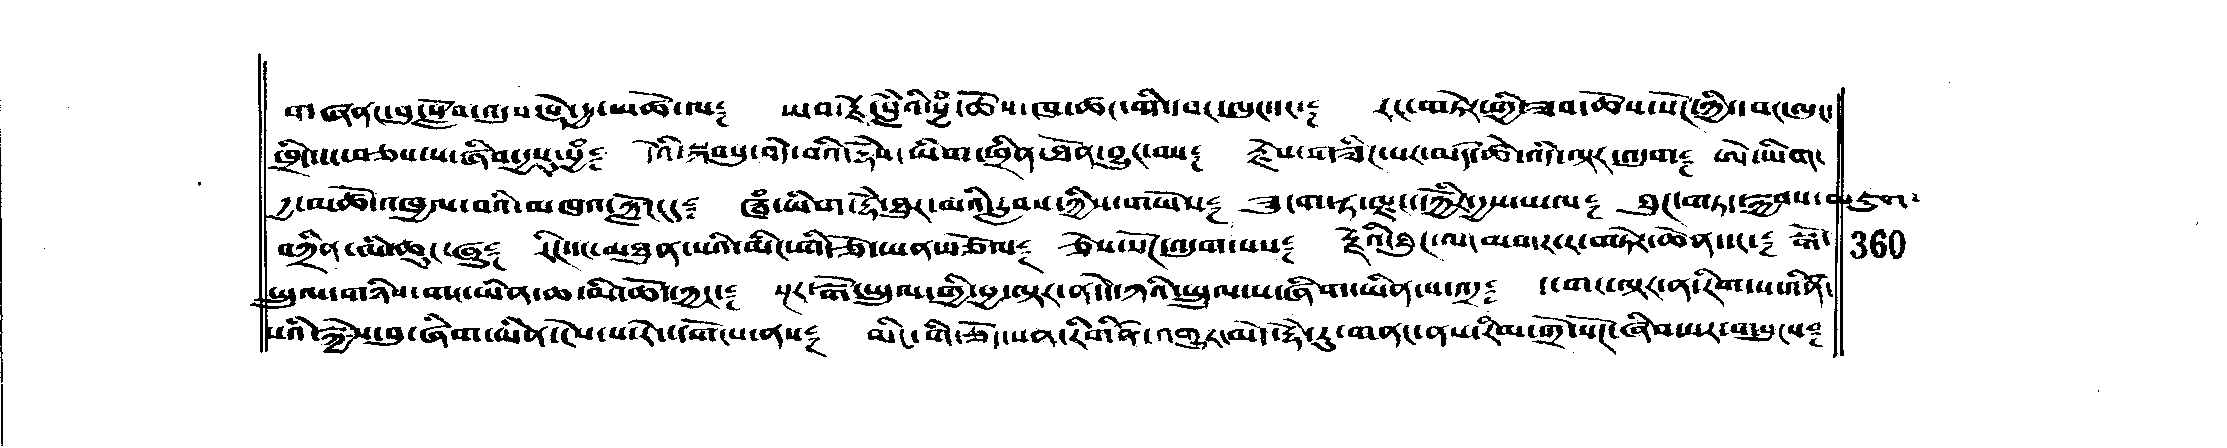གཞན་ཡང་བུ་སློབ་འདུས་སྡེ་རྒྱ་མཚོ་ལ། ཡབ་རྗེ་བླ་མའི་གསུང་ཆོས་ཁ་ཚང་གི་དབང་ལུང་དང་། རང་གཏེར་གྱི་ཟབ་ཆོས་སོགས་ཀྱི་དབང་ལུང་
ཁྲིད་དང་བཅས་པ་ཞིབ་རྒྱས་སུ་གསུངས། དེའི་སྐབས་སུ་བདེ་བའི་རྡོ་རྗེས་ཡིག་ཕྲིན་ཐོན་བྱུང་བས། རྗེས་གཟིགས་པར་མཛད་ཚེ་འདི་ལྟར་འདུག ཨེ་ཡིག་
རྒྱ་མཚོ་འཁྱིལ་བའི་མཁའ་ཀློང་དུ། །ཝཾ་ཡིག་རྡོ་རྗེ་ཐུར་མའི་རླབས་ཀྱིས་གཡོས། །ཟུང་འཇུག་རྟ་ལྗང་དཀྱིལ་འཁོར་རྒྱས་པ་ལ། །ཐུགས་གཏད་སྐྱབས་མཇུག་
བཀའ་དྲིན་མི་ཆུང་ཞུ། །རིགས་དང་མཐུན་པའི་མིང་གི་ཅོད་པན་སྩོལ། །ཅེས་སོགས་འདུག་པས། རྗེའི་ཐུགས་ལ་མགར་ར་གཏེར་ཆེན་དང་། སྒོ་
སྤྲུལ་གཉིས་གང་ཡིན་ཆ་མི་ཆོད་ཀྱང་། སྔར་སྒོ་སྤྲུལ་གྱི་གསུང་ལྟར་ན་དེ་ཀའི་སྤྲུལ་པ་ཞིག་ཡིན་པ་འདྲ། ད་གང་ལྟར་ན་རིག་པ་འཛིན་
པའི་སྐྱེས་བུ་ཞིག་ཡིན་ངེས་པ་རེད་དགོངས་ནས། མིང་གི་ཅོད་པན་རིག་འཛིན་འགྱུར་མེད་རྡོ་རྗེ་རུ་གནང་ནས་རིམ་གྲོ་སོགས་ཞིབ་པར་གསུངས།